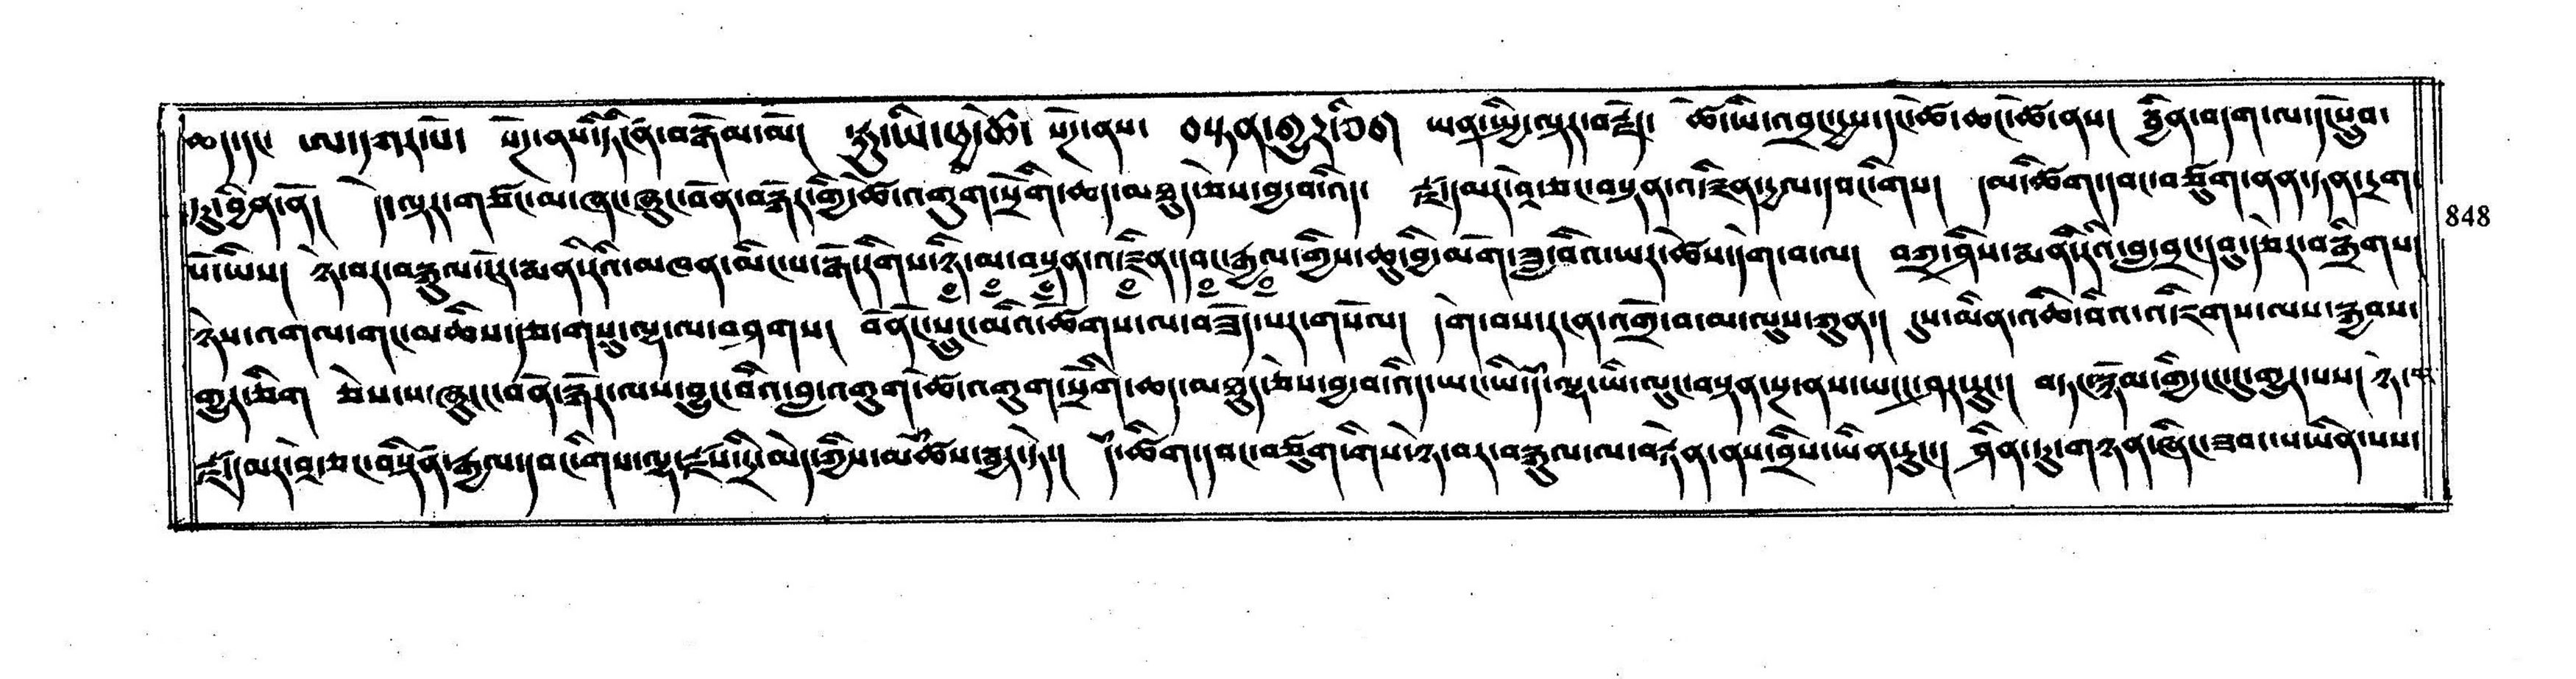ཆད་དང་ཨ་དཀར་པོ་སོགས་ནས་ཏིང་འཛིན་བསྒོམ་མོ། སྐུ་ཡི་ཕྱྭ་ཚེ་སོགས་ནས་བསྟན་གྱུར་ཅིག ཡན་སྤྱི་ལྟར་བརྗོད་ཚེ་ཡི་འབྲང་རྒྱས་དང་ཚེ་ཆང་ཚེ་ནས། སྦྱིན་བདག་ལ་དངོས་གྲུབ་
ཏུ་བྱིན་ནོ། དེ་ལྟར་གཙང་མ་ཞང་ཞུང་བོན་བསྐོར་གྱི་ཚེ་འགུག་སྲོག་གི་ཆད་མཐུད་ཅེས་བྱ་བ་འདི་རྫ་དམར་བྲེ་ཅང་བསྟན་འཛིན་རྒྱལ་དབང་གིས། དམ་ཚིག་དབང་བཙུག་ནན་ཏན་དྲག་
པོ་ཡིས། ཉེ་བར་བསྐུལ་ངོར་སྨན་རིའི་མཁན་མིང་པ་སྒོ་རིགས་ཉི་མ༵་བསྟན༵་འཛིན༵་དབང༵་རྒྱལ༵་གྱིས་ཆུ་བྱི་མགོ་ཟླ་བའི་ཡར་ཚེས་དགེ་བ་ལ། བཀྲ་ཤིས་སྨན་རིའི་བླ་བྲང་དབུ་རྩེར་བསྒྲིགས། 
ཉེས་འགལ་གང་མཆིས་རྩ་གསུམ་ལྷ་ལ་བཤགས། བོན་སྐྱོངས་སྲུང་མའི་ཚོགས་ལ་བཟོད་པར་གསོལ། དགེ་བས་རང་བཞན་འགྲོ་བ་མ་ལུས་ཀུན། དུས་མིན་འཆི་བའི་འཇིགས་ལས་བསྐྱབ་
གྱུར་ཅིག ཅེས་པ་ཞང་ཞུང་བོན་སྐོར་ལས་བྱུང་བའི་བླ་འགུག་ཚེ་འགུག་སྲོག་གི་ཆད་མཐུད་ཅེས་བྱ་བ་འདི་ཡང་ཡི་དམ་ལྷ་ཡི་ལུང་བསྟན་སྔ་ནས་ཡང་ཡང་ཤར་རུང་། བཏང་སྙོམ་གྱི་ངང་དུ་གྱུར་པས། ཉེ་བར་
རྫ་དམར་བྲེ་ཅང་བསྟན་འཛིན་རྒྱལ་དབང་གིས་ལྷ་རྫས་དྲི་མེད་ཀྱིས་མཚམས་སྦྱར་ཏེ། དམ་ཚིག་དབང་བཙུག་གིས་ཉེ་བར་བསྐུལ་པ་ལ་བརྟེན་ནས་བྲིས་ཡིན་རུང་། ཤིན་ཏུ་གཉན་ཞིང་ཟབ་པ་ཡིན་པས་